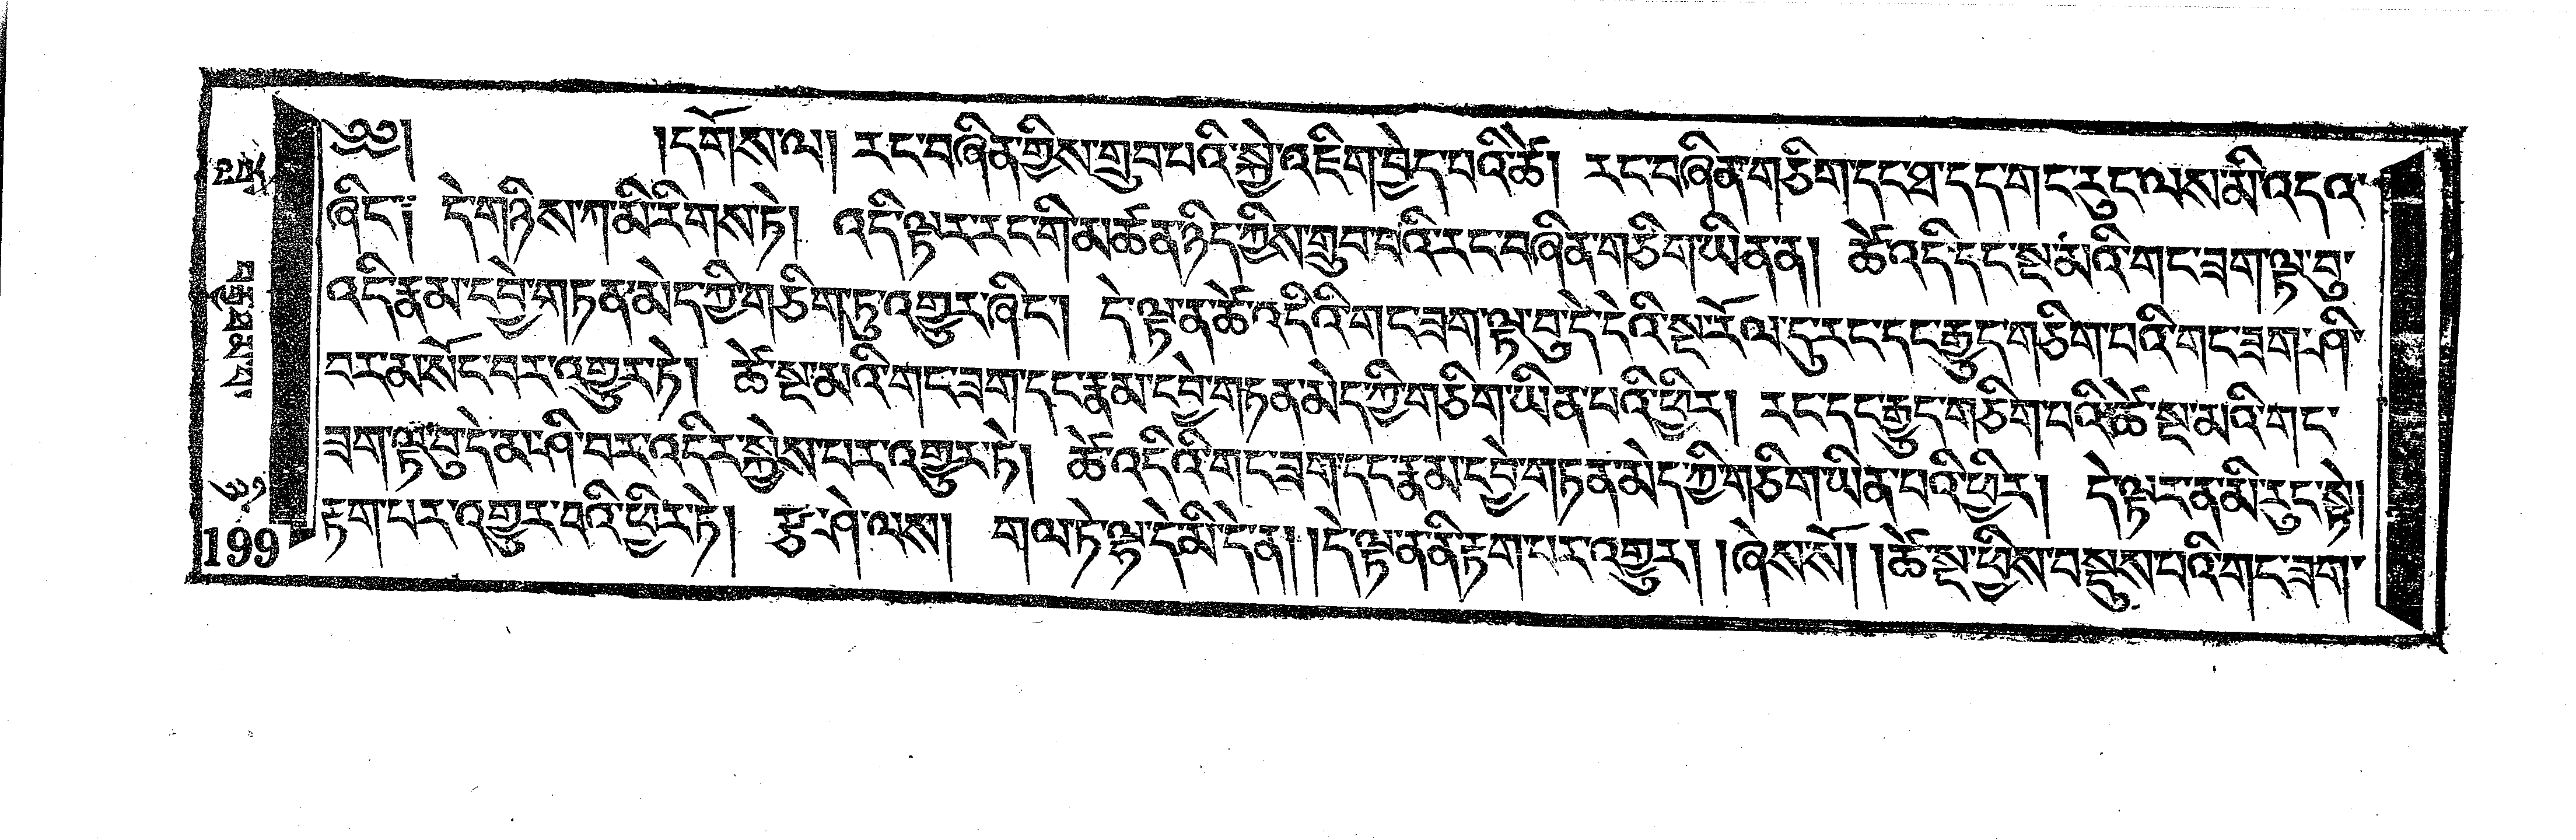༄༅། །དགོས་ལ། རང་བཞིན་གྱིས་གྲུབ་པའི་སྐྱེ་འཇིག་བྱེད་པའི་ཚེ། རང་བཞིན་གཅིག་དང་ཐ་དད་གང་རུང་ལས་མི་འདའ་
ཞིང༑ དེ་གཉིས་ཀ་མི་རིགས་ཏེ། འདི་ལྟར་རང་གི་མཚན་ཉིད་ཀྱིས་གྲུབ་པའི་རང་བཞིན་གཅིག་ཡིན་ན། ཚེ་འདི་དང་སྔ་མའི་གང་ཟག་ལྟ་བུ་
འདི་རྣམ་དབྱེ་གཏན་མེད་ཀྱི་གཅིག་ཏུ་འགྱུར་ཞིང་། དེ་ལྟ་ན་ཚེ་འདིའི་གང་ཟག་ལྟ་བུ་དེ་དེའི་སྔ་རོལ་དུ་རང་དང་རྒྱུད་གཅིག་པའི་གང་ཟག་ཤི་
བར་མ་སོང་བར་འགྱུར་ཏེ། ཚེ་སྔ་མའི་གང་ཟག་དང་རྣམ་དབྱེ་གཏན་མེད་ཀྱི་གཅིག་ཡིན་པའི་ཕྱིར། རང་དང་རྒྱུད་གཅིག་པའི་ཚེ་སྔ་མའི་གང་
ཟག་ལྟ་བུ་དེ་མ་ཤི་བར་འདིར་སྐྱེས་པར་འགྱུར་ཏེ། ཚེ་འདིའི་གང་ཟག་དང་རྣམ་དབྱེ་གཏན་མེད་ཀྱི་གཅིག་ཡིན་པའི་ཕྱིར། དེ་ལྟར་ན་མི་རུང་སྟེ།
རྟག་པར་འགྱུར་བའི་ཕྱིར་ཏེ། རྩ་ཤེ་ལས། གལ་ཏེ་ལྷ་དེ་མི་དེ་ན། །དེ་ལྟ་ན་ནི་རྟག་པར་འགྱུར། །ཞེས་སོ། །ཚེ་སྔ་ཕྱིས་བསྡུས་པའི་གང་ཟག་